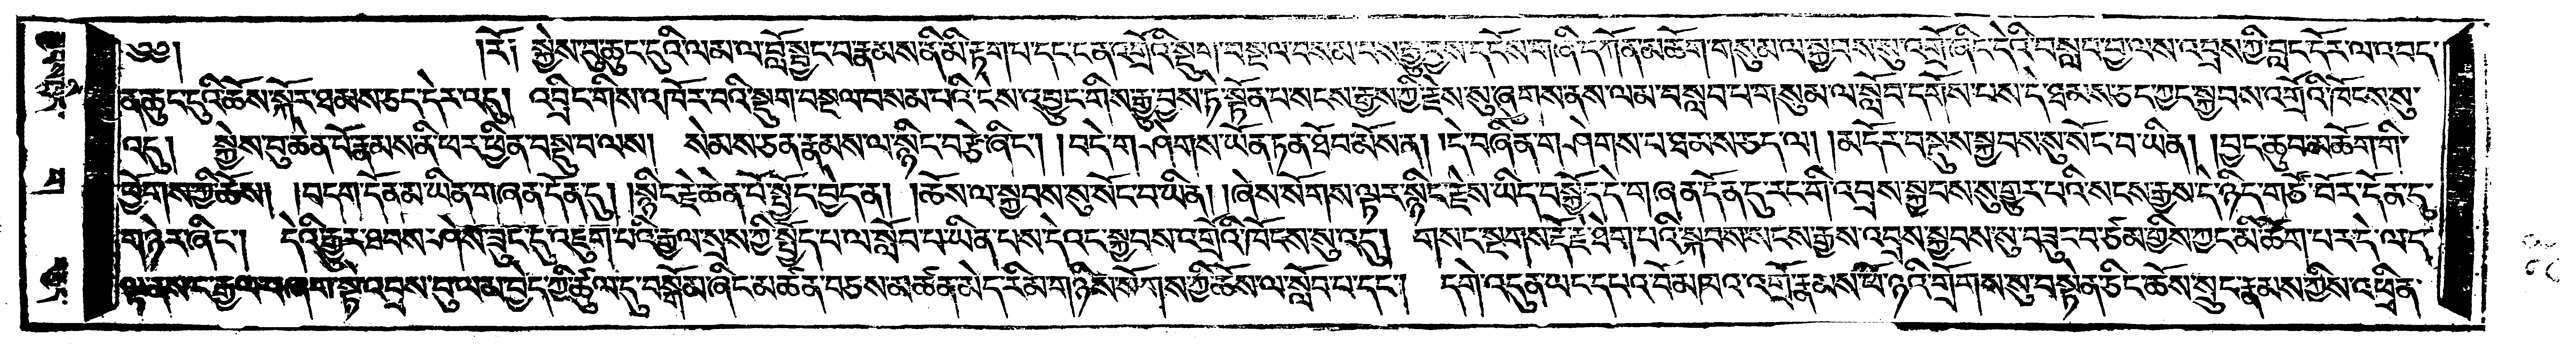༄༅། །རོ༑ སྐྱེས་བུ་ཆུང་དུའི་ལམ་ལ་བློ་སྦྱང་བ་རྣམས་ནི་མི་རྟག་པ་དང་ངན་འགྲོའི་སྡུག་བསྔལ་བསམ་པས་རྒྱུ་བྱས་དངོས་གཞི་དཀོན་མཆོག་གསུམ་ལ་སྐྱབས་སུ་འགྲོ་ཞིང་དེའི་བསླབ་བྱ་ལས་འབྲས་ཀྱི་བླང་དོར་ལ་འབད་
ན་ཆུང་དུའི་ཆོས་སྐོར་ཐམས་ཅད་དེར་འདུ། འབྲིང་གིས་འཁོར་བའི་སྡུག་བསྔལ་བསམ་པའི་ངེས་འབྱུང་གིས་རྒྱུ་བྱས་ཏེ་སྟོན་པ་སངས་རྒྱས་ཀྱི་རྗེས་སུ་ཞུགས་ནས་ལམ་བསླབ་པ་གསུམ་ལ་སློབ་དགོས་པས་དེ་ཐམས་ཅད་ཀྱང་སྐྱབས་འགྲོའི་ཁོངས་སུ་
འདུ། སྐྱེས་བུ་ཆེན་པོ་རྣམས་ནི་ཕར་ཕྱིན་བསྡུ་བ་ལས། སེམས་ཅན་རྣམས་ལ་སྙིང་བརྩེ་ཞིང་། །བདེ་གཤེགས་ཡོན་ཏན་ཐོབ་མོས་ན། །དེ་བཞིན་གཤེགས་པ་ཐམས་ཅད་ལ། །མདོར་བསྡུས་སྐྱབས་སུ་སོང་བ་ཡིན། །བྱང་ཆུབ་མཆོག་གི་
ཕྱོགས་ཀྱི་ཆོས། །བདག་དོན་མ་ཡིན་གཞན་དོན་དུ། །སྙིང་རྗེ་ཆེན་པོ་སྤྱོད་བྱེད་ན། །ཆོས་ལ་སྐྱབས་སུ་སོང་བ་ཡིན། །ཞེས་སོགས་ལྟར་སྙིང་རྗེས་ཡིད་བསྐྱོད་དེ་གཞན་དོན་དུ་རང་གི་འབྲས་སྐྱབས་སུ་གྱུར་པའི་སངས་རྒྱས་དེ་ཉིད་གཙོ་བོར་དོན་དུ་
གཉེར་ཞིང་། དེའི་རྒྱུད་ཐབས་ཤེས་ཟུང་དུ་འཇུག་པའི་རྒྱལ་སྲས་ཀྱི་སྤྱོད་པ་ལ་སློབ་པ་ཡིན་པས་དེའང་སྐྱབས་འགྲོའི་ཁོངས་སུ་འདུ། གསང་སྔགས་རྡོ་རྗེ་ཐེག་པའི་སྐབས་སངས་རྒྱས་འབྲས་སྐྱབས་སུ་བཟུང་བ་ཙམ་གྱིས་ཀྱང་མི་ཆོག་པར་དེ་ལ་ད་
ལྟ་ན་སངས་རྒྱས་བཞག་སྟེ་འབྲས་བུ་ལམ་བྱེད་ཀྱི་ཚུལ་དུ་བསྒོམ་ཞིང་མཚན་བཅས་མཚན་མེད་རིམ་གཉིས་སོགས་ཀྱི་ཆེས་ལ་སློབ་པ་དང་། དགེ་འདུན་ཡང་དཔའ་བོ་མཁའ་འགྲོ་རྣམས་པོ་ཉའི་གྲོགས་སུ་བསྟེན་ཅིང་ཆོས་སྲུང་རྣམས་ཀྱིས་འཕྲིན་